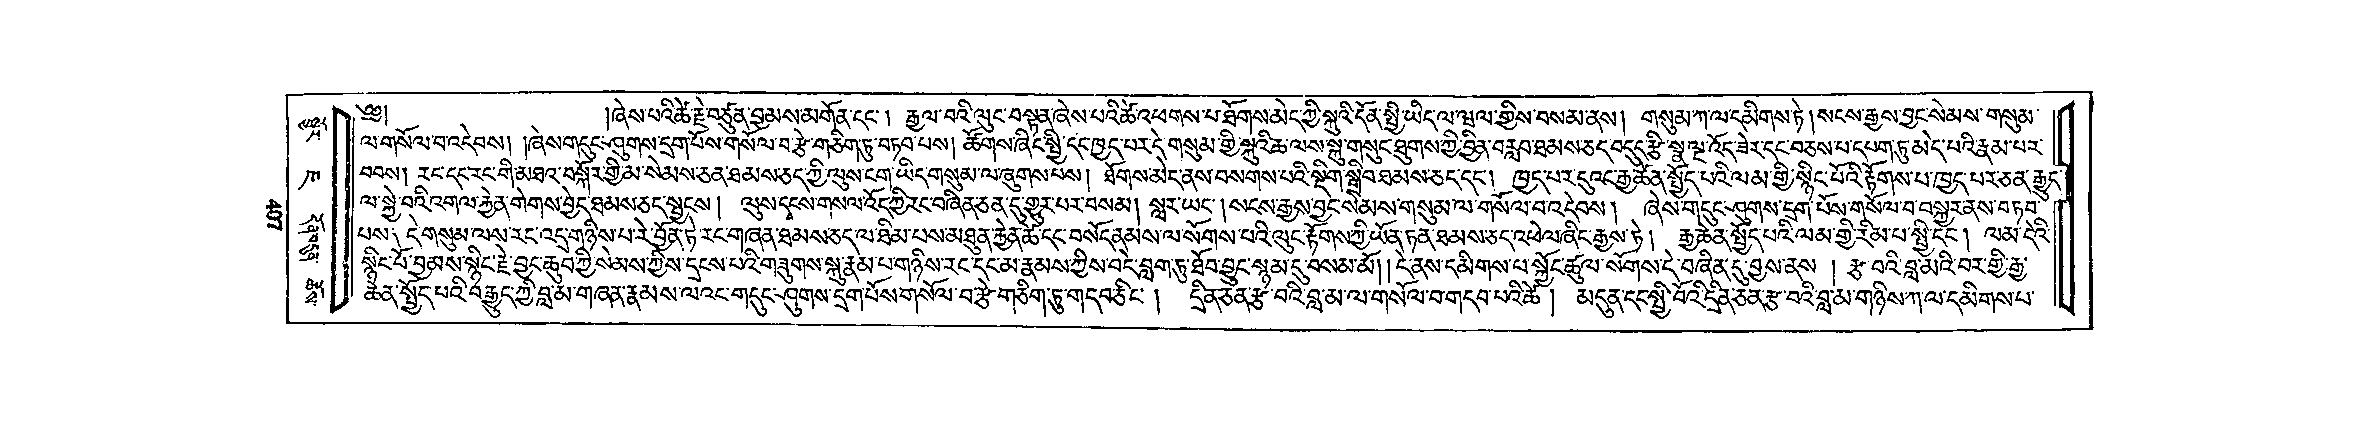༄༅། །ཞེས་པའི་ཚེ་རྗེ་བཙུན་བྱམས་མགོན་དང་། རྒྱལ་བའི་ལུང་བསྟན་ཞེས་པའི་ཚེ་འཕགས་པ་ཐོགས་མེད་ཀྱི་སྐུའི་དོན་སྤྱི་ཡིད་ལ་ཝལ་གྱིས་བསམ་ནས། གསུམ་ཀ་ལ་དམིགས་ཏེ། སངས་རྒྱས་བྱང་སེམས་གསུམ་
ལ་གསོལ་བ་འདེབས། །ཞེས་གདུང་ཤུགས་དྲག་པོས་གསོལ་བ་རྩེ་གཅིག་ཏུ་བཏབ་པས། ཚོགས་ཞིང་སྤྱི་དང་ཁྱད་པར་དེ་གསུམ་གྱི་སྐུའི་ཆ་ལས་སྐུ་གསུང་ཐུགས་ཀྱི་བྱིན་བརླབ་ཐམས་ཅད་བདུད་རྩི་སྣ་ལྔ་འོད་ཟེར་དང་བཅས་པ་དཔག་ཏུ་མེད་པའི་རྣམ་པར་
བབས། རང་དང་རང་གི་མཐའ་བསྐོར་གྱི་མ་སེམས་ཅན་ཐམས་ཅད་ཀྱི་ལུས་ངག་ཡིད་གསུམ་ལ་ཞུགས་པས། ཐོགས་མེད་ནས་བསགས་པའི་སྡིག་སྒྲིབ་ཐམས་ཅད་དང་། ཁྱད་པར་དུའང་རྒྱ་ཚེན་སྤྱོད་པའི་ལམ་གྱི་སྙིང་པོའི་རྟོགས་པ་ཁྱད་པར་ཅན་རྒྱུད་
ལ་སྐྱེ་བའི་འགལ་རྐྱེན་གེགས་བྱེད་ཐམས་ཅད་སྦྱངས། ལུས་དྭངས་གསལ་འོད་ཀྱི་རང་བཞིན་ཅན་དུ་གྱུར་པར་བསམ། སླར་ཡང་། སངས་རྒྱས་བྱང་སེམས་གསུམ་ལ་གསོལ་བ་འདེབས། ཞེས་གདུང་ཤུགས་དྲག་པོས་གསོལ་བ་བསྐྱར་ནས་བཏབ་
པས། དེ་གསུམ་ལས་རང་འདྲ་གཉིས་པ་རེ་བྱོན་ཏེ་རང་གཞན་ཐམས་ཅད་ལ་ཐིམ་པས་མཐུན་རྐྱེན་ཚེ་དང་བསོད་ནམས་ལ་སོགས་པའི་ལུང་རྟོགས་ཀྱི་ཡོན་ཏན་ཐམས་ཅད་འཕེལ་ཞིང་རྒྱས་ཏེ། རྒྱ་ཆེན་སྤྱོད་པའི་ལམ་གྱི་རིམ་པ་སྤྱི་དང་། ལམ་དེའི་
སྙིང་པོ་བྱམས་སྙིང་རྗེ་བྱང་ཆུབ་ཀྱི་སེམས་ཀྱིས་དྲངས་པའི་གཟུགས་སྐུ་རྣམ་པ་གཉིས་རང་དང་མ་རྣམས་ཀྱིས་བདེ་བླག་ཏུ་ཐོབ་བྱུང་སྙམ་དུ་བསམ་མོ། །དེ་ནས་དམིགས་པ་སྐྱོང་ཚུལ་སོགས་དེ་བཞིན་དུ་བྱས་ནས། རྩ་བའི་བླ་མའི་བར་གྱི་རྒྱ་
ཆེན་སྤྱོད་པའི་བརྒྱུད་ཀྱི་བླ་མ་གཞན་རྣམས་ལའང་གདུང་ཤུགས་དྲག་པོས་གསོལ་བ་རྩེ་གཅིག་ཏུ་གདབ་ཅིང་། དྲིན་ཅན་རྩ་བའི་བླ་མ་ལ་གསོལ་བ་གདབ་པའི་ཚེ། མདུན་དང་སྤྱི་བོའི་དྲིན་ཅན་རྩ་བའི་བླ་མ་གཉིས་ཀ་ལ་དམིགས་པ་